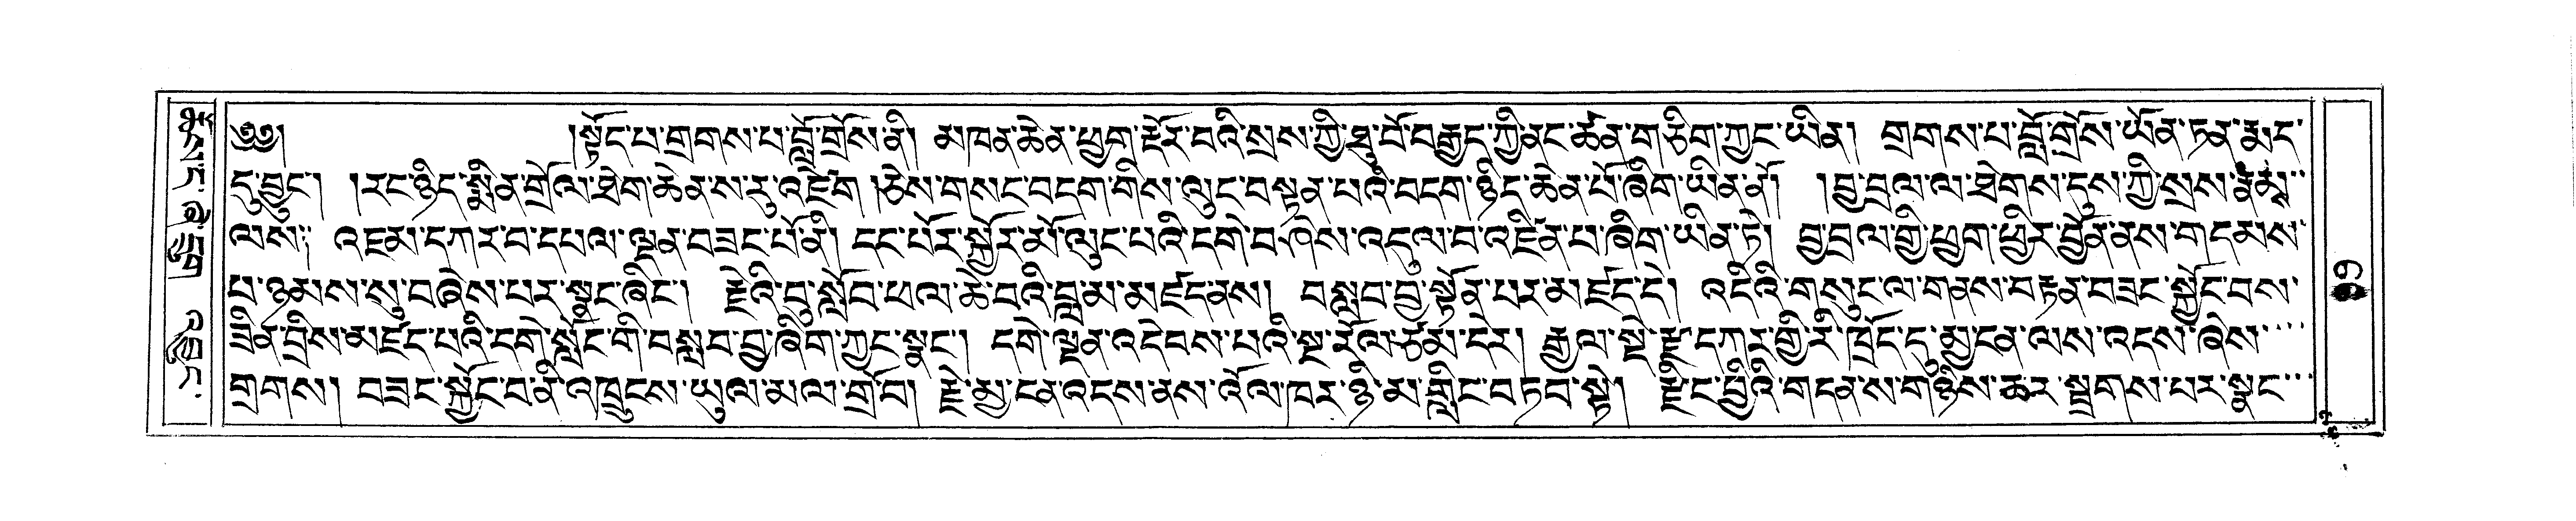༄༅། །སྟོད་པ་གྲགས་པ་བློ་གྲོས་ནི། མཁན་ཆེན་ཕྱག་རྡོར་བའི་སྲས་ཀྱི་ཐུ་བོ་བརྒྱད་ཀྱི་ནང་ཚན་གཅིག་ཀྱང་ཡིན། གྲགས་པ་བློ་གྲོས་ཡོན་ཏན་རྨད་
དུ་བྱུང་། །རང་ཉིད་སྨིན་གྲོལ་ཐེག་ཆེན་ས་རུ་འཛེག །ཅེས་གསང་བདག་གིས་ལུང་བསྟན་པའི་བདག་ཉིད་ཆེན་པོ་ཞིག་ཡིན་ནོ། །བྱ་བྲལ་ལ་ཐེགས་དུས་ཀྱི་སྲས་རྣམས་
ལས༑ འཇམ་དཀར་བ་དཔལ་ལྡན་བཟང་པོ་ནི། དང་པོར་སྐྱོར་མོ་ལུང་པའི་དགེ་བཤེས་འདུལ་བ་འཛིན་པ་ཞིག་ཡིན་ཏེ། བྱ་བྲལ་གྱི་ཕྱག་ཕྱིར་བྱོན་ནས་གདམས་
པ་ཉམས་སུ་བཞེས་པར་སྣང་ཞིང་། རྗེའི་བུ་སློབ་ཕལ་ཆེ་བའི་བླ་མ་མཛད་ནས། བསླབ་བྱ་སྟོན་པར་མཛད་དེ། འདིའི་གསུང་ལ་གནས་བརྟན་བཟང་སྐྱོང་བས་
ཟིན་བྲིས་མཛད་པའི་དགེ་སློང་གི་བསླབ་བྱ་ཞིག་ཀྱང་སྣང་། དགེ་ལྡན་འདེབས་པའི་སྔ་རོལ་ཙམ་དེར། རྒྱལ་སྡེ་རྫ་དཀར་གྱི་རི་ཁྲོད་དུ་མྱ་ངན་ལས་འདས་ཞེས་
གྲགས། བཟང་སྐྱོང་བ་ནི་འཁྲུངས་ཡུལ་མལ་གྲོ་བ། རྗེ་མྱ་ངན་འདས་ནས་འོལ་ཁར་ཉི་མ་གླིང་བཏབ་སྟེ། རྫིང་བྱིའི་གདན་ས་གཉིས་ཆར་སྦྲགས་པར་སྣང་